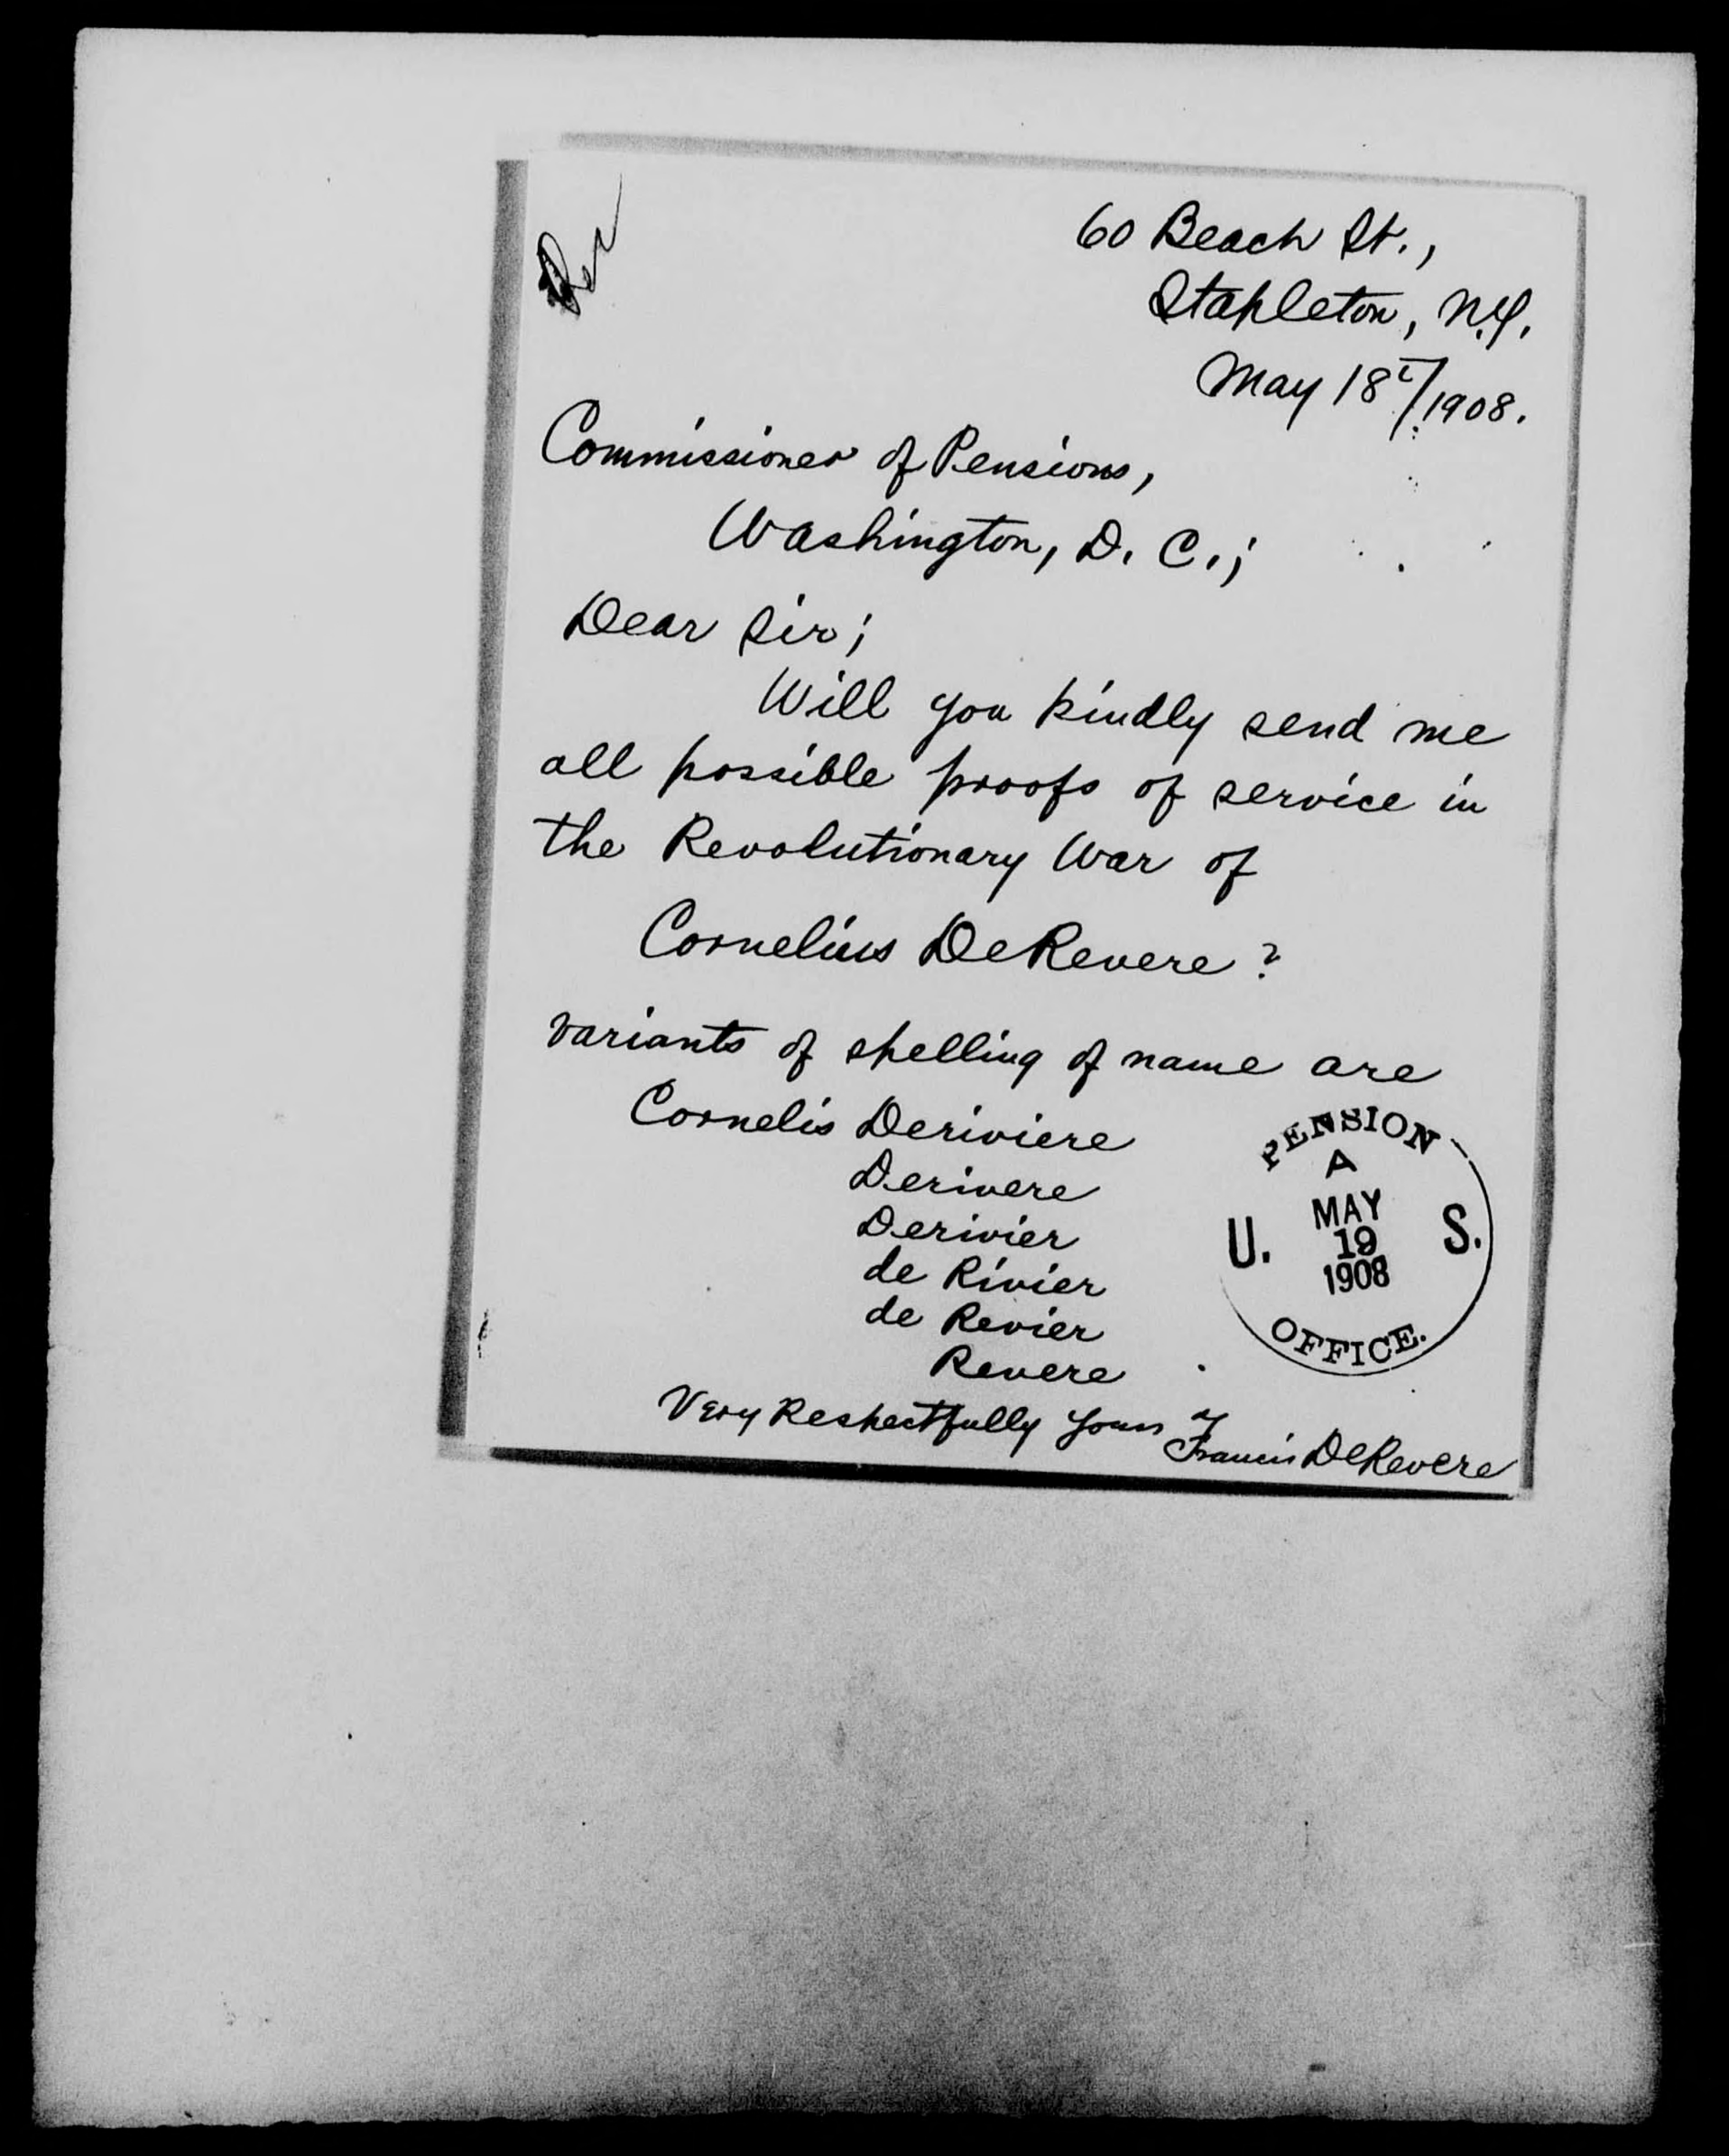Rev
60 Beach St.,
Stapleton, N.Y.
May 18th 1908
Commissioner of Pensions,
Washington, D.C.;
Dear Sir;
Will you kindly send me all possible proofs of service in the Revolutionary War of
Cornelius De Revere?
variants of spelling of name are
Cornelis Deriviere
Derivere
Derivier
de Rivier
de Revier
Revere
Very Respectfully yours 
[Signed] Francis De Revere
[Stamped] U.S. PENSION OFFICE A MAY 19 1908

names: Cornelis Derivier, Cornelis Derivere, Cornelis De Revier, Francis De Revere, Cornelius Derevere, Cornelis Deriviere, Cornelis De Rivier, Cornelis Revere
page: 11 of 40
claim: widow's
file: W. 24057, Cornelius De Revere, New York